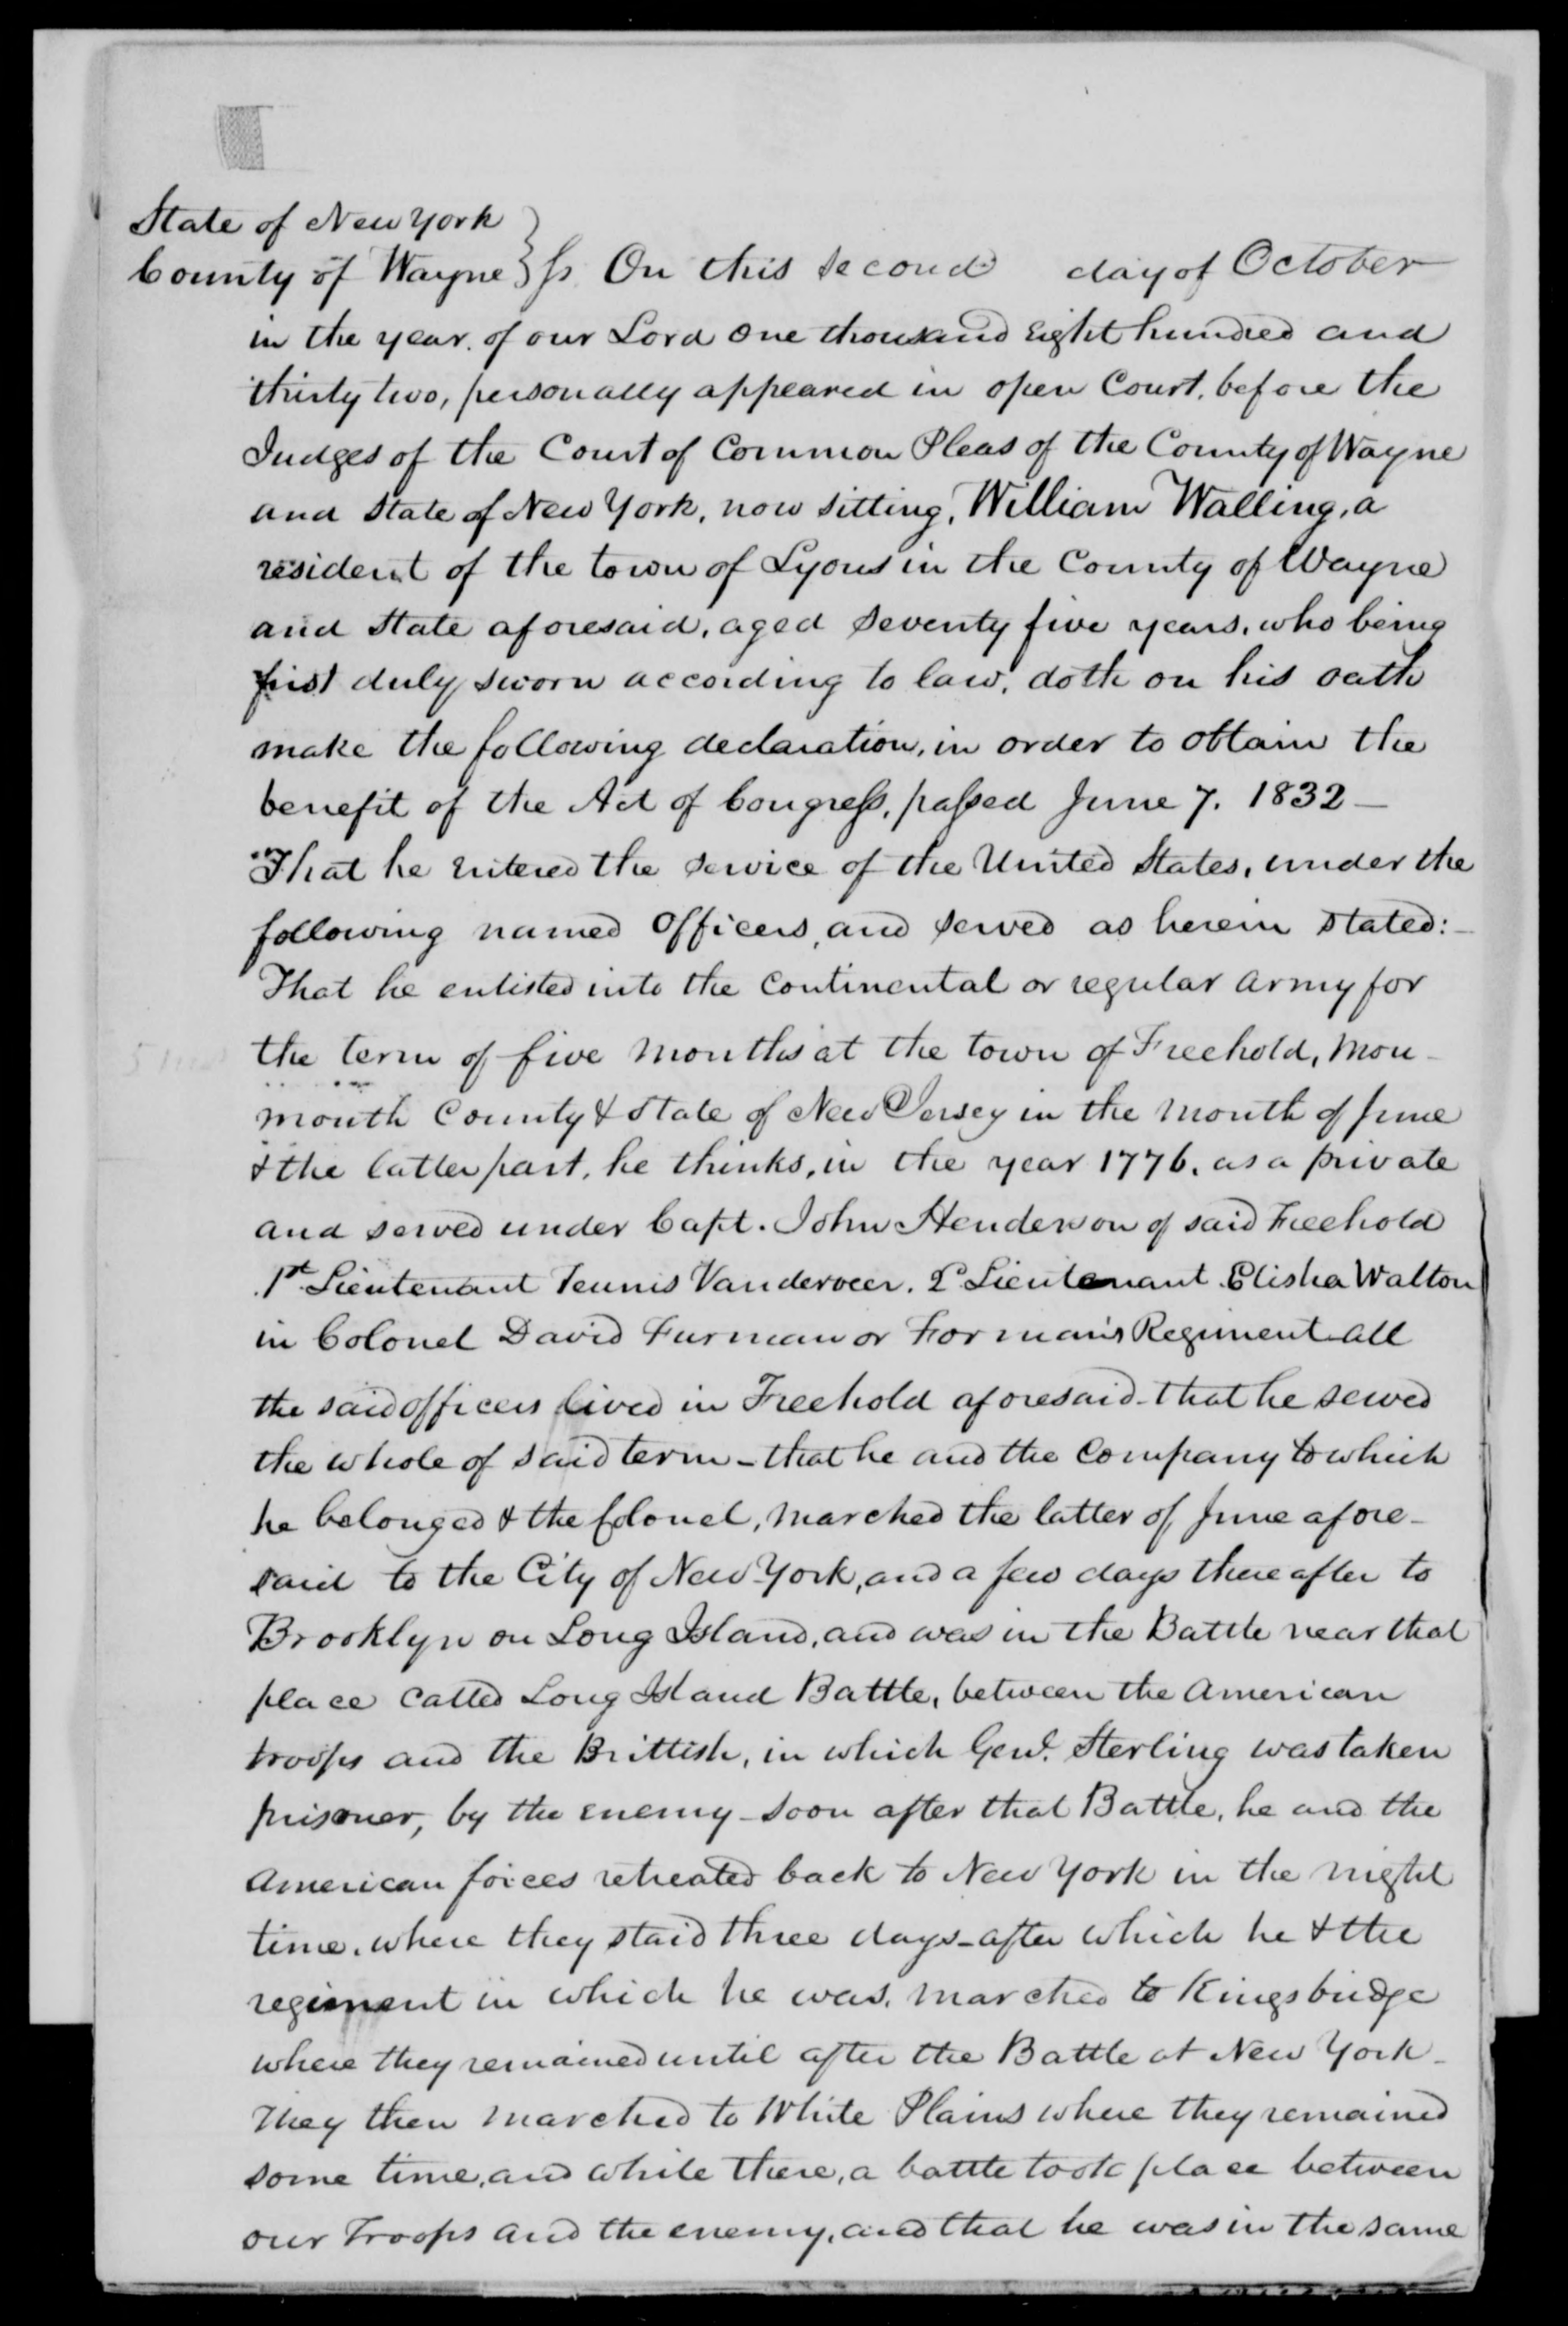State of New York County of Wayne
On this second day of October in the year of our Lord one thousand eight hundred and thirty two, personally appeared in open court, before the Judges of the Court of Common Pleas of the County of Wayne and State of New York, now sitting, William Walling, a resident of the town of Lyons in the county of Wayne and the State aforesaid, aged seventy five years, who being first duly sworn according to law, doth on his oath make the following declaration, in order to obtain the benefit of the Act of Congress, passed June 7, 1832 - That he entered the service of the United States, under the following named officers and served as herein stated: the term of five months at the town of Freehold, Monmouth County & State of New Jersey in the month of June and the latter part, he thinks, in the year 1776, as a private and served under Capt. John Henderson of said Freehold 1st Lieutenant Teunis Vanderveer, 2d Lieutenant Elisha Walton in Colonel David Forman or Forman's Regiment all the said officers lived in Freehold aforesaid. That he served the whole of said term - that he and the company to which he belonged & the Colonel, marched the latter of June aforesaid to the City of New York, and a few days thereafter to Brooklyn or Long Island, and was in the Battle near that place called Long Island Battle, between the American troops and the British, in which Genl. Sterling was taken prisoner, by the enemy - soon after that Battle, he and the American forces retreated back to New York in the night time, where they (staid, sic) stayed three days after which he & the regiment in which he was, marched to Kingsbridge where they remained until after the Battle at New York.  They then marched to White Plains where they remained some time, and while there, a battle took place between our troops and the enemy, and that he was in the same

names: Teunis Vanderveer, William Walling, Elisha Walton, David Furman, Sterling, John Henderson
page: 11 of 66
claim: widow's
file: W. 19588, William Walling, New Jersey